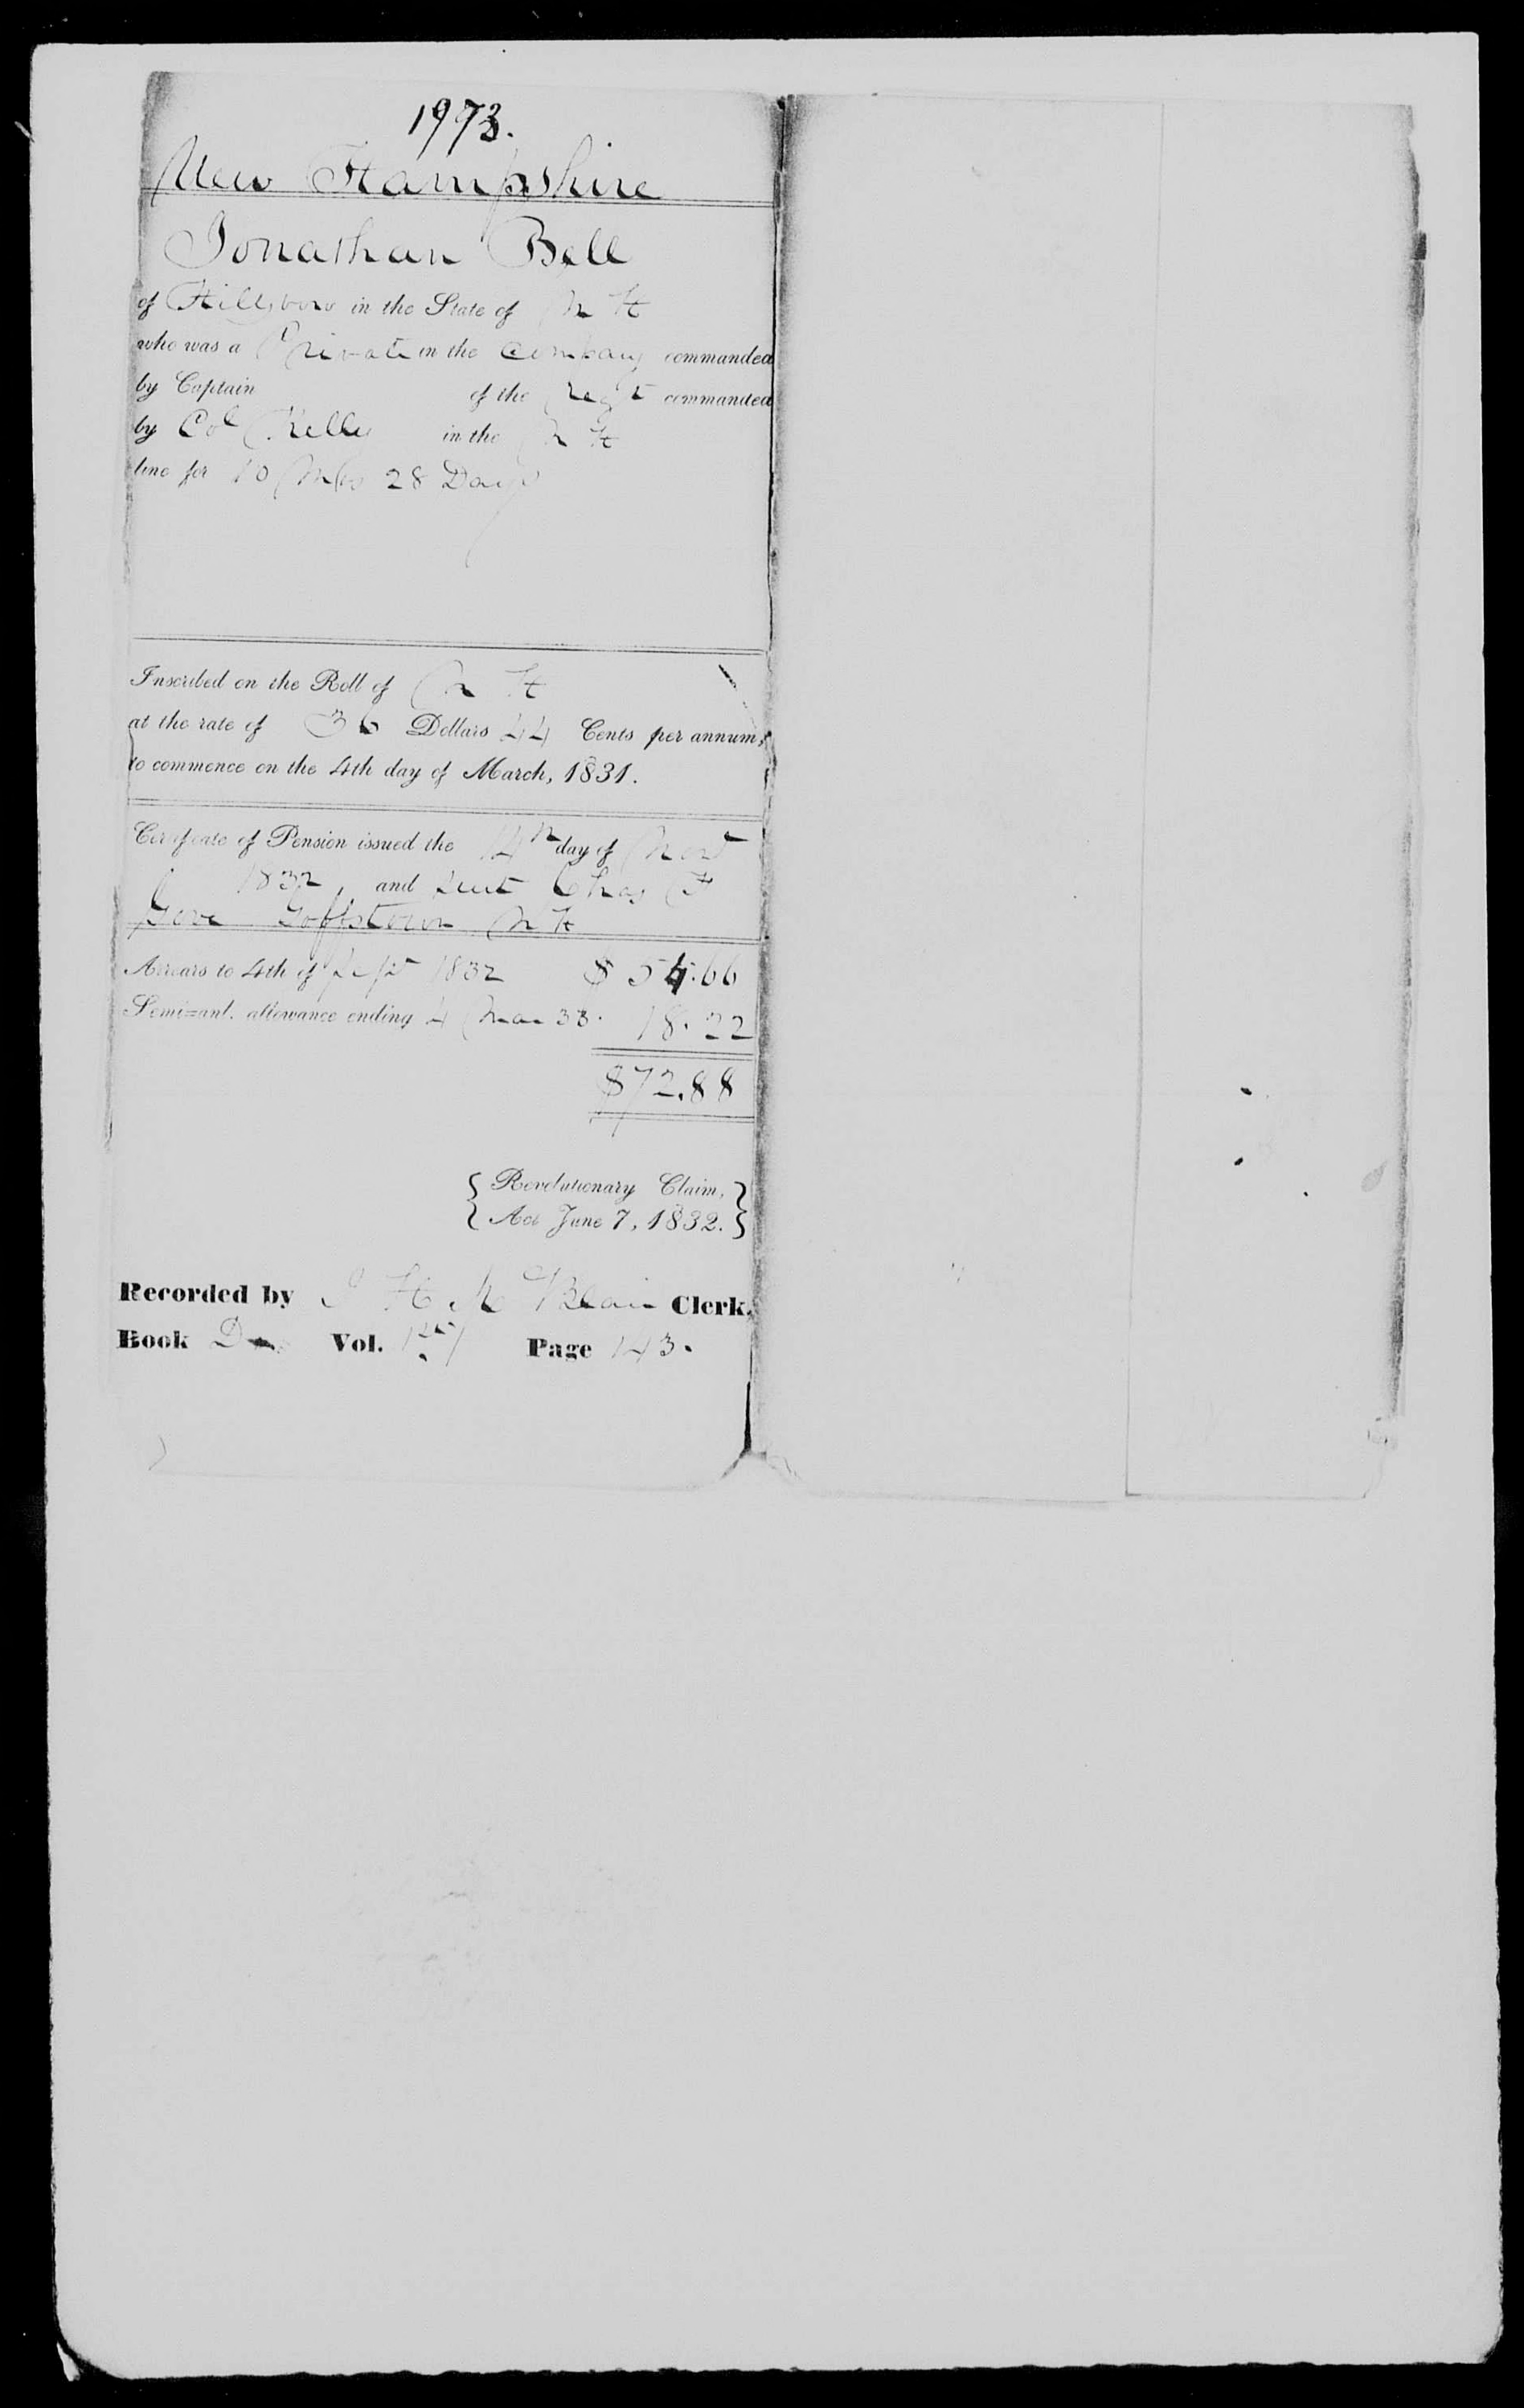1973

New Hampshire
=========================
Jonathan Bell
of Hillsboro in the State of N.H.
who was a Private in the Company commanded
by Captain           of the Regt commanded
by Col. Kelly in the N.H.
line for 10 Mos 28 Days
=========================
Inscribed on the Roll of N.H.
at the rate of 36 Dollars 44 Cents per annum
to commence on the 4th day of March, 1831.
=========================
Certificate of Pension issued the 14th day of Nov 1832 and sent Chas F. Gove
Goffstown NH
=========================
Arrears to 4th of Sept 1832.......................$54.66
Semi-anl. allowance ending 4 Mar 33.....18.22
.............................................................................=====
.............................................................................$72.88
.............................................................................=====
(Revolutionary Claim,   )
(Act  June 7, 1832.        )

Recorded by J.H. McBlain  Clerk,
Book D   Vol. 1st    Page 143.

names: Jonathan Bell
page: 2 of 13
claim: survivor's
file: S. 12172, Jonathan Bell, N.H.